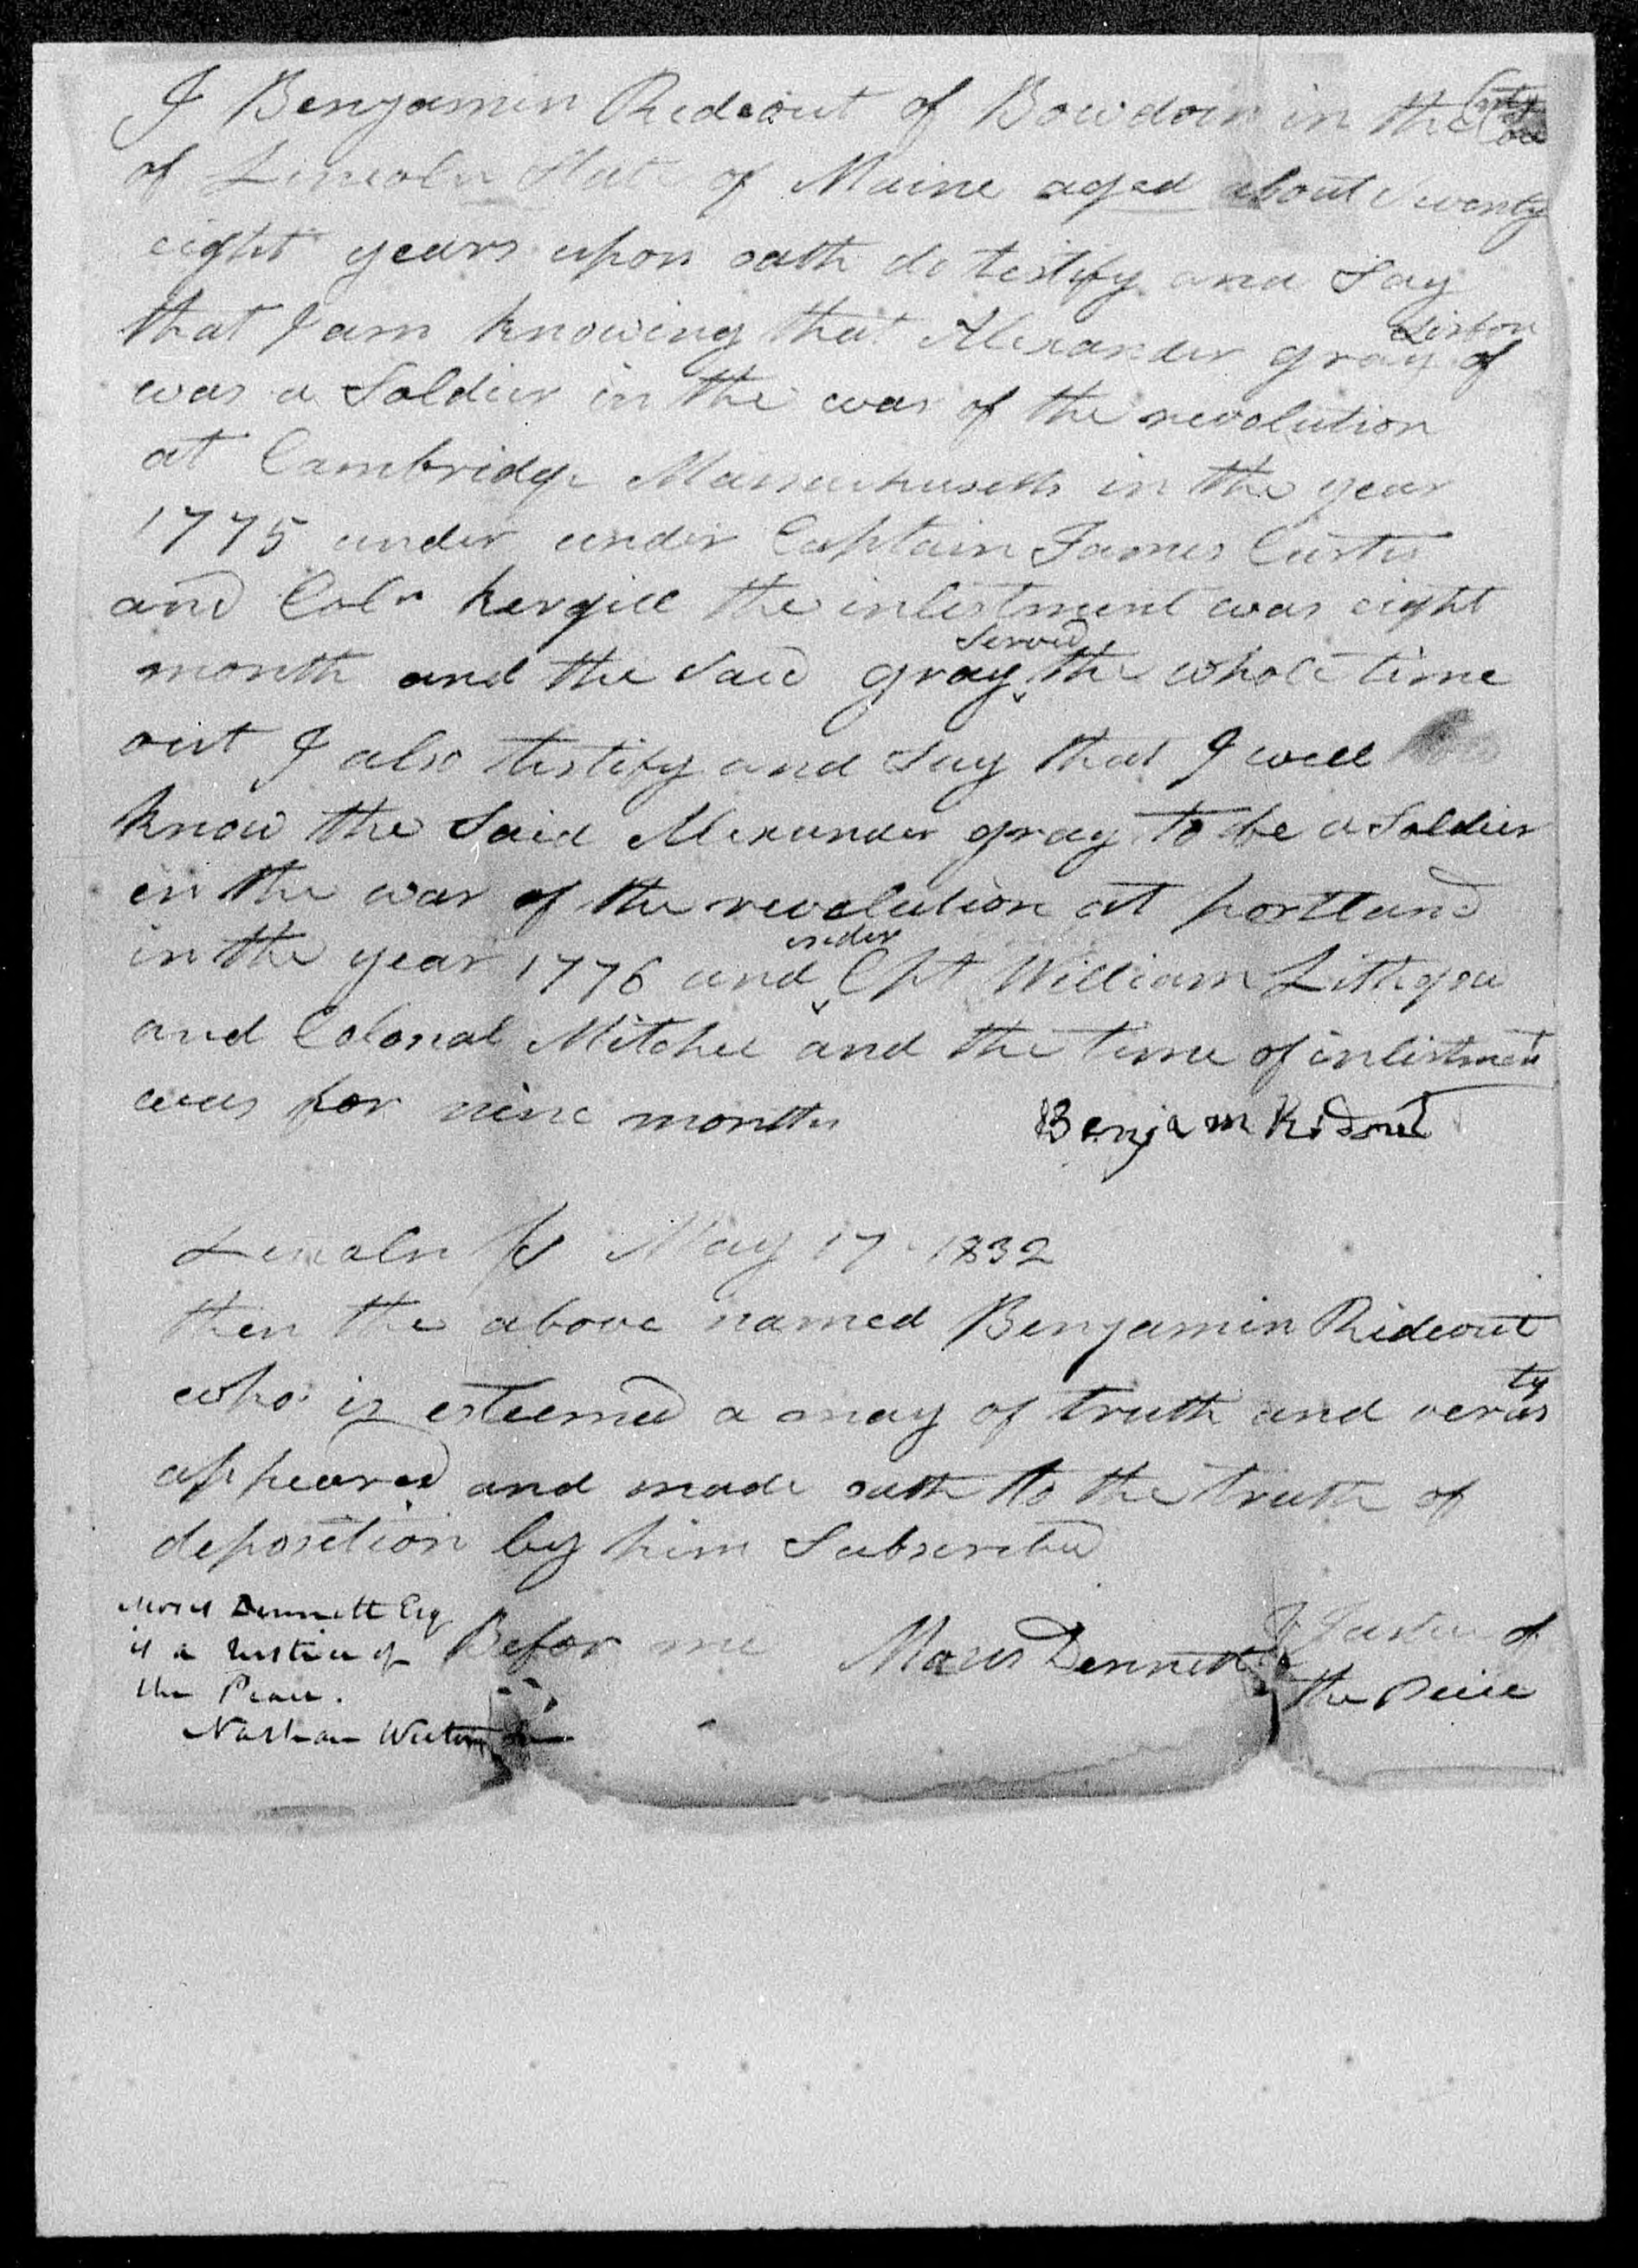I Benjamin Rideout of Bowdoin in the County
of Lincoln State of Maine aged about seventy
eight years upon oath do testify and say
that I am knowing that Alexander Gray of Lisbon
was a Soldier in the war of the revolution
at Cambridge Massachusetts in the year
1775 under under Captain James Curtis
and Col Kargill the inlistment was eight
month and the said Gray served the whole time
out I also testify and say that I will
know the said Alexander Gray to be a Soldier
in the war of the revolution at Portland
in the year 1776 and under William Lithgow
and Colonel Mitchel and the time of inlistment
was for nine months
Benjamin Rideout

Lincoln  May 17 1832
then the above named Benjamin Rideout
who is esteemed a may of truth and veracity
appeared and made oath to the truth of
deposition by him Subscribed

Moses Dennett Justice of the Peace

Moses Dennett Esq
is a Justice of
the Peace
Nathan Weston Jun'r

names: James Curtis, Benjam Rideout, Benjamin Rideout, Moses Dennett, Gray, William Lithgow, Moses Dennett, Nathan Weston, Alexander Gray, Benjamin Rideout, Alexander Gray, Kergill, Mitchel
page: 9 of 13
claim: survivor's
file: S. 18845, Alexander Gray, Mass.